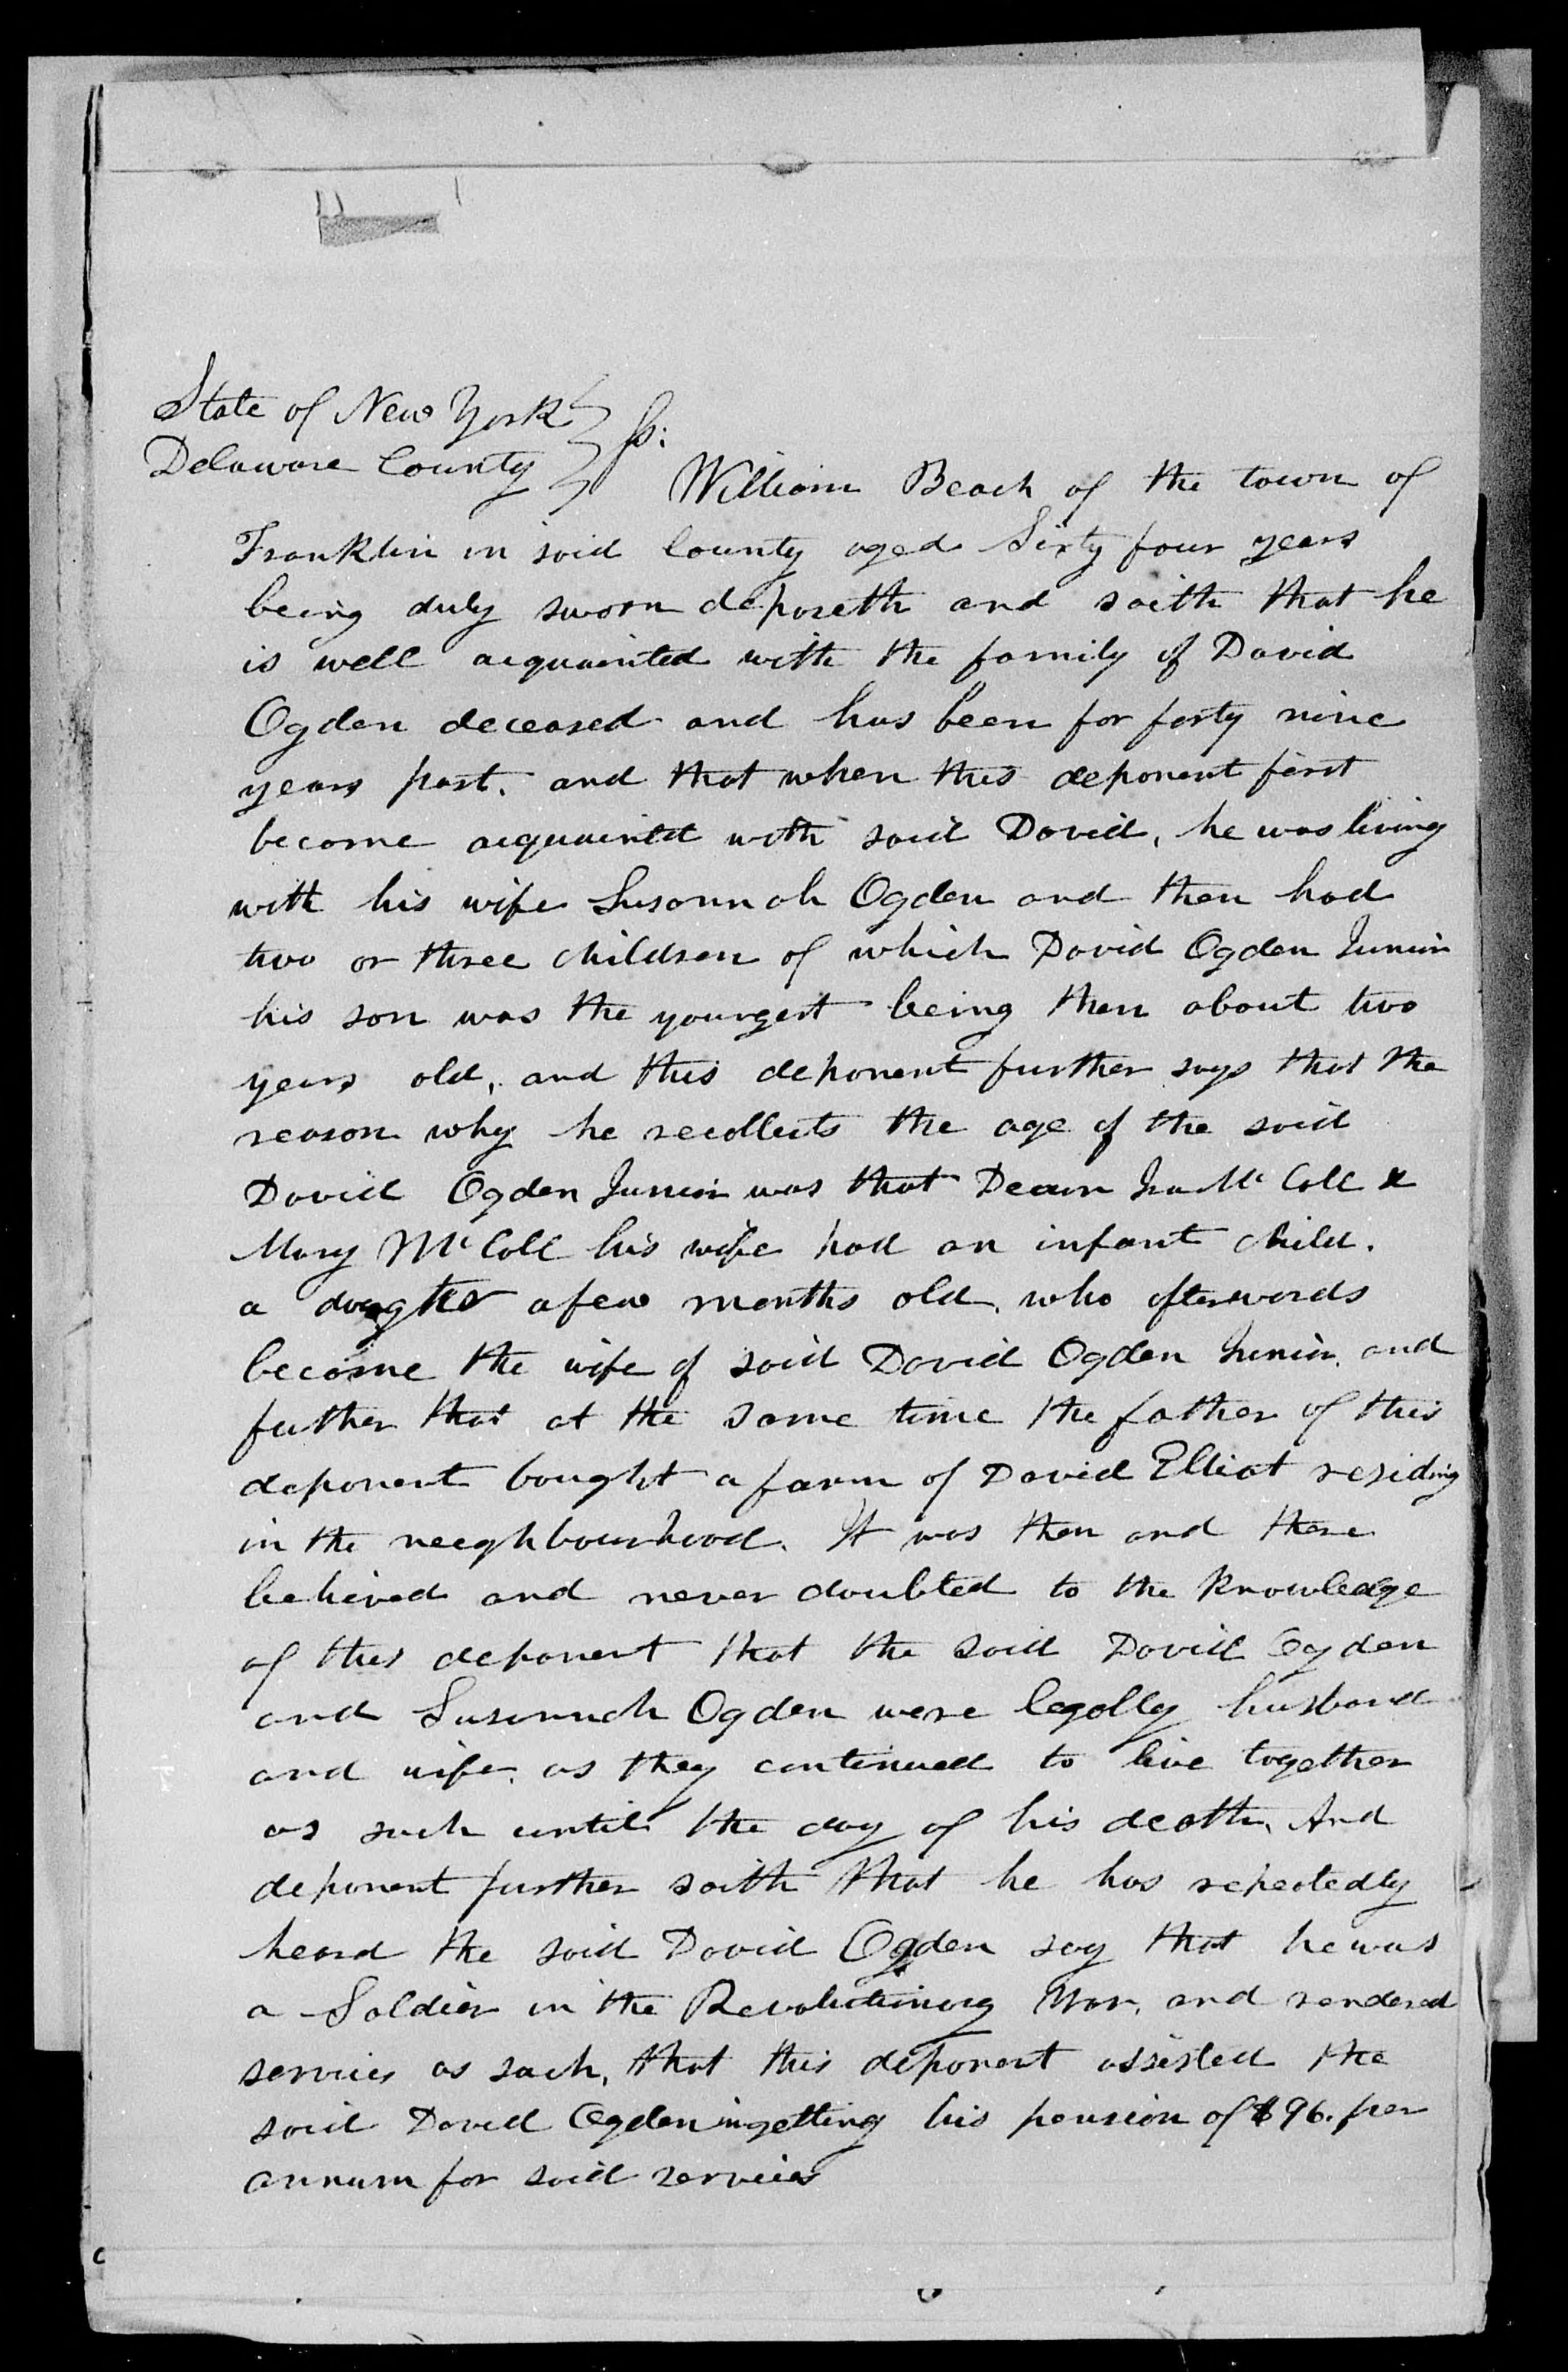State of New York} 
Delaware County} ss:

William Beach of the town of
Franklin in said County aged Sixty four years
being duly sworn deposeth and saith that he
is well acquainted with the family of David
Ogden deceased and has been for forty nine
years past, and that when this deponent first
become acquainted with said David, he was living
with his wife Susannah Ogden and then had
two or three children of which David Ogden Junior 
his son was the youngest being then about two
years old and this deponent further says that the
reason why he recollects the age of the said
David Ogden Junior was that Dean Ira McCall &
Mary McColl his wife had an infant child,
a daughter a few months old, who afterwords
become the wife of said David Ogden Junior and
further that at the same time the father of this
deponent bought a farm of David Elliot residing
in the neighbourhood.  It was then and there
believed and never doubted to the knowledge
of this deponent that the said David Ogden
and Sarah Ogden were legally husband
and wife as they continued to live together
as such until the day of his death.  And
deponent further saith that he has repeatedly
heard the said David Ogden say that he was a
Soldier in the Revolutionary War, and rendered
services as such, that this deponent assisted the
said David Ogden in getting his pension of $96. per
annum for said services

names: Susannah Ogden; Mary Mc Coll; David Elliot; William Beach; David Ogden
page: 6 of 40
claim: widow's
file: W. 24364, for David Ogden, New York